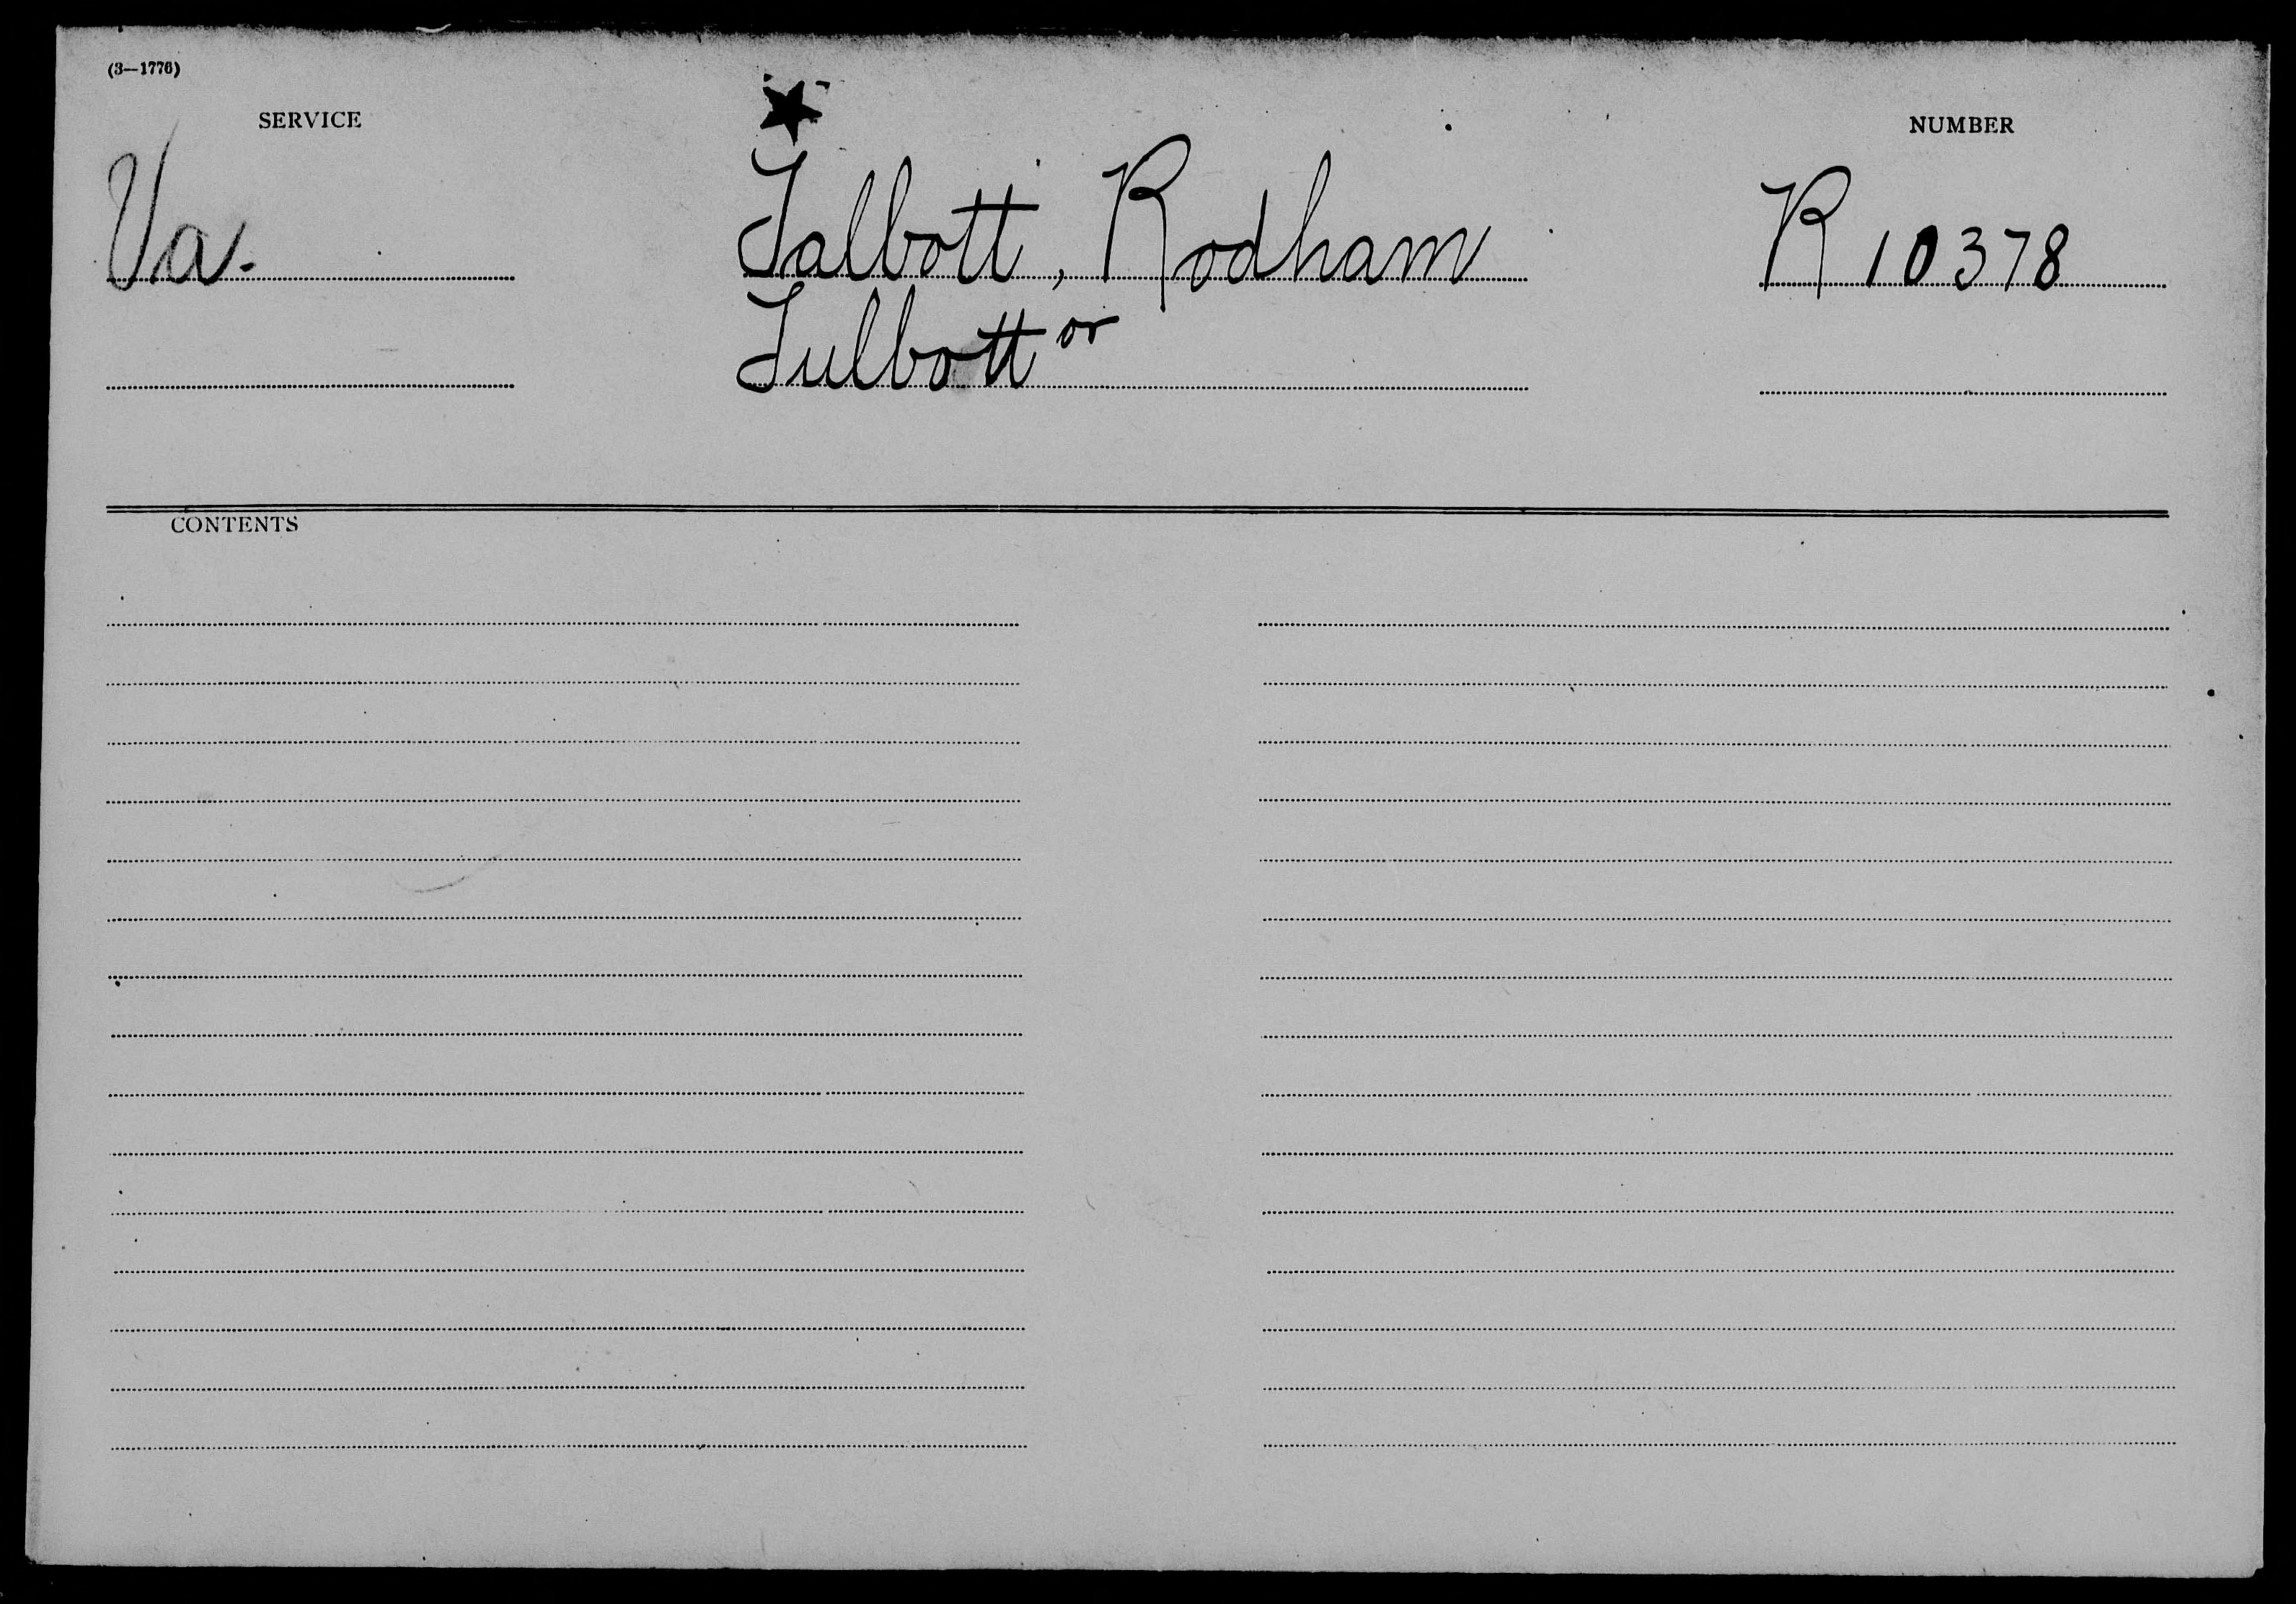(3-1776)

[stamp of a star]

SERVICE |  | NUMBER
Va. | Talbott, Rodham | R10378
 | Tulbott or | 

CONTENTS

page: 1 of 7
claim: rejected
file: R 10378, for Rodham Talbott, Virginia